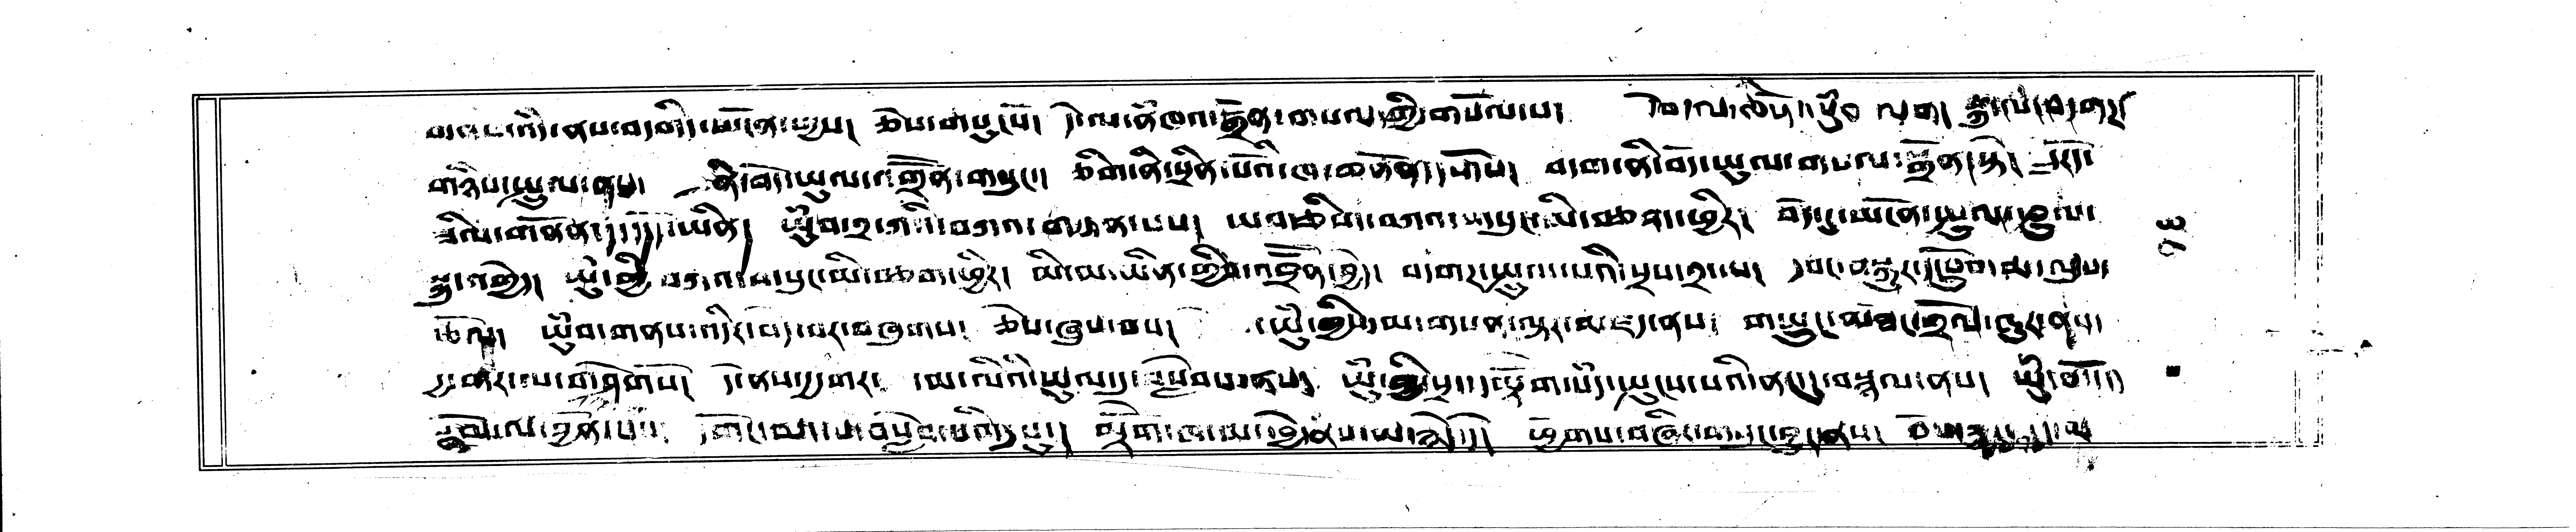གནས་འདི་ནས་བདག་ཉིད་མངོན་སངས་རྒྱས། ཅེས་གསུངས་སོ། །དེ་ལ་ནམ་མཁའ་སྒྲོན་གསལ་གྱིས་གསོལ་པ། ༼༽ཆེན་པོ་ཡབ་ཡུམ་ལགས། སྐུ་ལ་བདག་ཅག་གནས་
གཉིས་སྤྲུལ་ནས། ཅིག་ནི་བོད་ཡུལ་འགྲོ་དོན་གསུངས། ཅིག་ནི་སྲིན་པོའི་ཁ་གནོན་དགོས། བདག་ནི་བོད་ཡུལ་གསལ་སྒྲོན་ཏེ། དུར་ཁྲོད་
ཟིལ་གནོན་ད་གདོད་ཡིན། ཡབ་ཡུམ་གཉིས་ཀའི་བཀའ་གཉན་པས། ཡབ་ཅིག་བཀའ་གསུང་མི་བཅག་ཕྱིར། བོད་དུ་མངོན་སྤྲུལ་
༼༽སྐུ་འགྱེད། ཡུམ་གྱི་བཀའ་གསུང་མི་བཅག་ཕྱིར། མི་མ་ཡིན་གྱིས་འགྲོ་དོན་བྱེད། བདག་ཅག་སྤྲུལ་པའི་སྲས་གཉིས་ལ། དབང་སྐུར་དངོས་གྲུབ་མ་ལུས་
སྩོལ། ཡབ་ཡུམ་གནས་འདིར་བདེ་བར་གཤེགས། ཅེས་ཞུས་པས། ཡུམ་གྱིས་མ་གསན་ལྟར་མཛད་ནས། གཡུང་དྲུང་མཐོང་གྲོལ་༼༽ནས་
རྒྱ་གར་ལ་གཤེགས་སོ། །དེ་ནས་རྒྱ་གར་མ་ལིའི་ཡུལ་དུ་སླེབས་ནས། ཡུམ་གྱིས་སྲས་མེ་ཏོག་པད་མ་སྤུངས་པའི་ནང་དུ་བསྙལ་ནས། ཡུམ་བསོད་
སྙོམས་ལ་བྱོན་པས། དགོང་༼༽སླེབ་པའི་དུས་སུ། མེ་ཏོག་ཁ་མ་ཕྱེ་ནས་མ་རྙེད་དོ། ཕྱོགས་བཞིར་གསུང་ཕྱུང་ནས། བོས་ཀྱང་སྐད་མ་